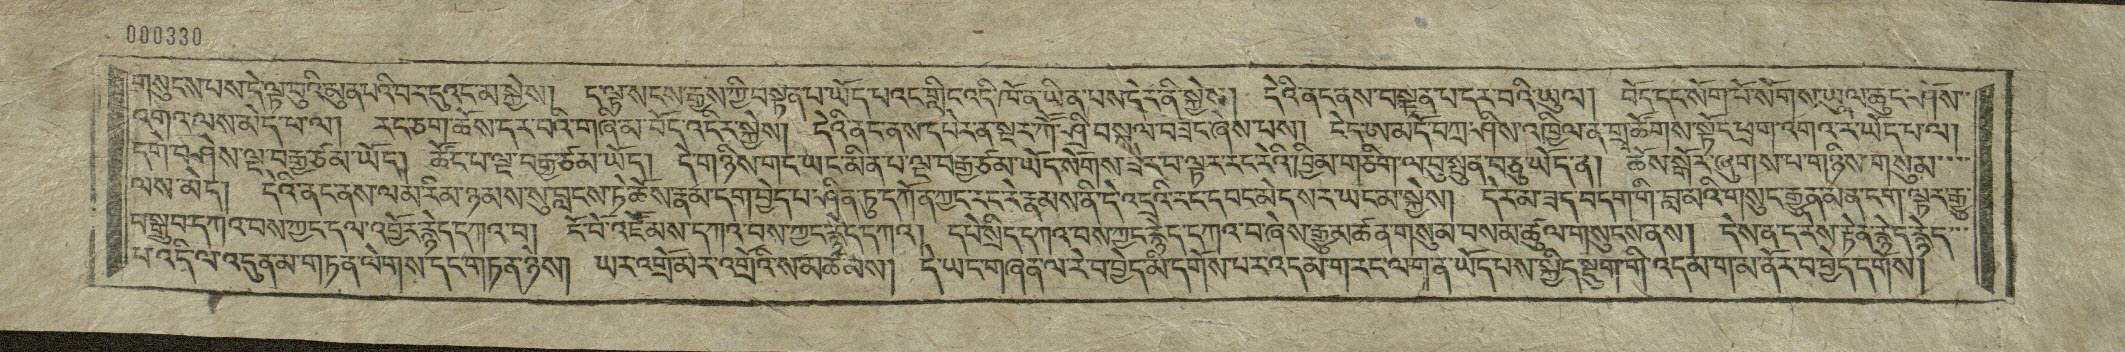གསུངས་པས་དེ་ལྟ་བུའི་མུན་པའི་བར་དུའང་མ་སྐྱེས། ད་ལྟ་སངས་རྒྱས་ཀྱི་བསྟན་པ་ཡོད་པའང་གླིང་འདི་ཁོ་ན་ཡིན་པས་དེར་ནི་སྐྱེས། དེའི་ནང་ནས་བསྟན་པ་དར་བའི་ཡུལ། བོད་དང་སོག་པོ་སོགས་ཡུལ་ཆུང་ཤོས་
འགའ་ལས་མེད་པ་ལ། རང་ཅག་ཆོས་དར་བའི་གཞི་མ་བོད་འདིར་སྐྱེས། དེའི་ནང་ནས་དཔེར་ན་སྔར་ཀཽ་ཤྲི་?་བསྐལ་བཟང་ཞེས་པས། དེད་ཨ་མདོ་བཀྲ་ཤིས་འཁྱིལ་ན་གྲྭ་ཚོགས་སྟོང་ཕྲག་འགའ་རེ་ཡོད་པ་ལ།
དགེ་བཤེས་ལྔ་བརྒྱ་ཙམ་ཡོད། ཚོང་པ་ལྔ་བརྒྱ་ཙམ་ཡོད། དེ་གཉིས་གང་ཡང་མིན་པ་ལྔ་བརྒྱ་ཙམ་ཡོད་སོགས་ཟེར་བ་ལྟར་རང་རེའི་ཁྱིམ་གཅིག་ལ་བུ་སྤུན་བཅུ་ཡོད་ན། ཆོས་སྒོར་ཞུགས་པ་གཉིས་གསུམ་
ལས་མེད། དེའི་ནང་ནས་ལམ་རིམ་ཉམས་སུ་བླངས་ཏེ་ཆོས་རྣམ་དག་བྱེད་པ་ཤིན་ཏུ་དཀོན་ཀྱང་རང་རེ་རྣམས་ནི་དེ་འདྲའི་རང་དབང་མེད་སར་ཡང་མ་སྐྱེས། དེར་མ་ཟད་བདག་གི་བླ་མའི་གསུང་རྒྱུན་མན་ངག་ལྟར་རྒྱུ་
བསྒྲུབ་དཀའ་བས་ཀྱང་དལ་འབྱོར་རྙེད་དཀའ་བ། ངོ་བོ་འཛོམས་དཀའ་བས་ཀྱང་རྙེད་དཀའ། དཔེ་སྲིད་དཀའ་བས་ཀྱང་རྙེད་དཀའ་བ་ཞེས་རྒྱུ་མཚན་གསུམ་བསམ་ཚུལ་གསུངས་ནས། དེས་ན་ད་རེས་རྟེན་རྙེད་རྙེད་
པ་འདི་ལ་འདུན་མ་གཏན་ལེགས་དང་གཏན་ཉེས། ཡར་འགྲོ་མར་འགྲོའི་ས་མཚམས། དེ་ཡང་གཞན་ལ་རེ་བ་བྱེད་མི་དགོས་པར་འདམ་ག་རང་ལག་ན་ཡོད་པས་སྐྱིད་སྡུག་གི་འདམ་ག་མ་ནོར་བ་བྱེད་དགོས།